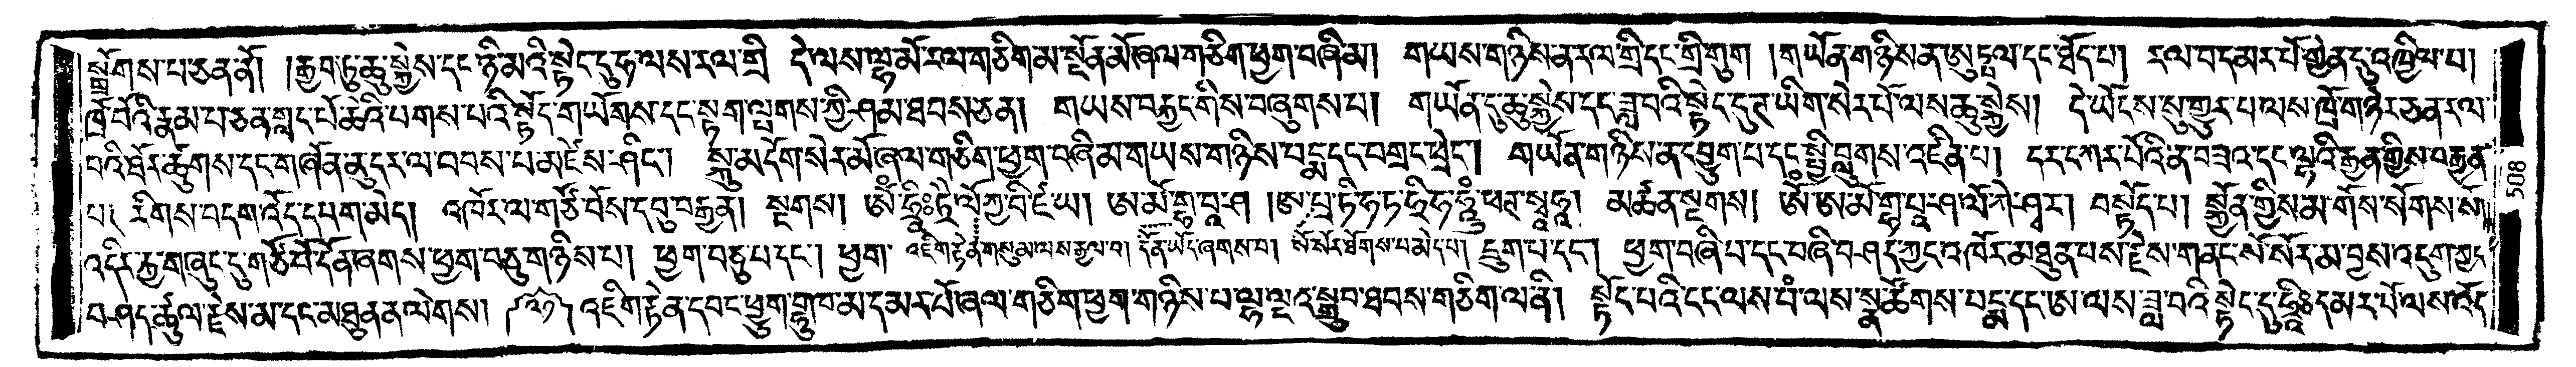སྒྲོགས་པ་ཅན་ནོ། །རྒྱབ་ཏུ་ཆུ་སྐྱེས་དང་ཉི་མའི་སྟེང་དུ་ཧ་ལས་རལ་གྲི་དེ་ལས་ལྷ་མོ་རལ་གཅིག་མ་སྔོན་མོ་ཞལ་གཅིག་ཕྱག་བཞིམ། གཡས་གཉིས་ན་རལ་གྲི་དང་གྲི་གུག །གཡོན་གཉིས་ན་ཨུཏྤལ་དང་ཐོད་པ། རལ་བ་དམར་པོ་གྱེན་དུ་འཁྱིལ་པ།
ཁྲོ་བོའི་རྣམ་པ་ཅན་གླང་པོ་ཆེའི་པགས་པའི་སྟོད་གཡོགས་དང་སྟག་ལྤགས་ཀྱི་ཤམ་ཐབས་ཅན། གཡས་བརྐྱང་གིས་བཞུགས་པ། གཡོན་དུ་ཆུ་སྐྱེས་དང་ཟླ་བའི་སྟེང་དུ་ཊ་ཡིག་སེར་པོ་ལས་ཆུ་སྐྱེས། དེ་ཡོངས་སུ་གྱུར་པ་ལས་ཁྲོ་གཉེར་ཅན་རལ་
བའི་ཐོར་ཚུགས་དང་གཞོན་ནུ་དར་ལ་བབས་ཨ་མཛེས་ཤིང་། སྐུ་མདོག་སེར་མོ་ཞལ་གཅིག་ཕྱག་བཞི་མ་གཡས་གཉིས་པདམ་དང་བགྲང་ཕྲེང་། གཡོན་གཉིས་ན་དབྱུག་པ་དང་སྤྱི་བླུགས་འཛིན་པ། དར་དཀར་པོའི་ན་བཟའ་དང་ལྷའི་རྒྱན་གྱིས་བརྒྱན་
པ༑ རིགས་བདག་འོད་དཔག་མེད། འཁོར་ལ་གཙོ་བོས་དབུ་བརྒྱན། སྔགས། ཨོཾ་ཧྲཱིཿཏྲཻ་ལོ་ཀྱ་བི་ཛ་ཡ། ཨ་མོ་གྷ་བཱ་ཤ་།ཨ་པྲ་ཏི་ཧ་ཏ་ཧྲི་ཧ་ཧཱུཾ་ཕཊ་སྭཱཧཱ། མཚན་སྔགས། ཨོཾ་ཨ་མོ་གྷ་པཱ་ཤ་ལོ་ཀེ་ཤྭར། བསྟོད་པ། སྐྱོན་གྱིས་མ་གོས་སོགས་སོ།།
འདིར་རྒྱ་གཞུང་དུ་གཙོ་བོ་དོན་ཞགས་ཕྱག་བཅུ་གཉིས་པ། ཕྱག་བཅུ་པ་དང་། ཕྱག་འཇིག་རྟེན་གསུམ་ལས་རྒྱལ་བ། དོན་ཡོད་ཞགས་པ། སོ་སོར་ཐོགས་པ་མེད་པ། དྲུག་པ་དང་། ཕྱག་བཞི་པ་དང་བཞི་བཤད་ཀྱང་འཁོར་མཐུན་པས་རྗེས་གནང་སོ་སོར་མ་བྱས་འདུག་ཀྱང་
བཤད་ཚུལ་རྗེས་མ་དང་མཐུན་ན་ལེགས། ༢༡?་འཇིག་རྟེན་དབང་ཕྱུག་བྷུ་ཁ་མ་དམར་པོ་ཞལ་གཅིག་ཕྱག་གཉིས་པ་ལྷ་ལྔའི་སྒྲུབ་ཐབས་གཅིག་ལ་ནི། སྟོང་པའི་ངང་ལས་པཾ་ལས་སྣ་ཚོགས་པདམ་དང་ཨ་ལས་ཟླ་བའི་སྟེང་དུ་ཧྲཱིཿ དམར་པོ་ལས་འོད་